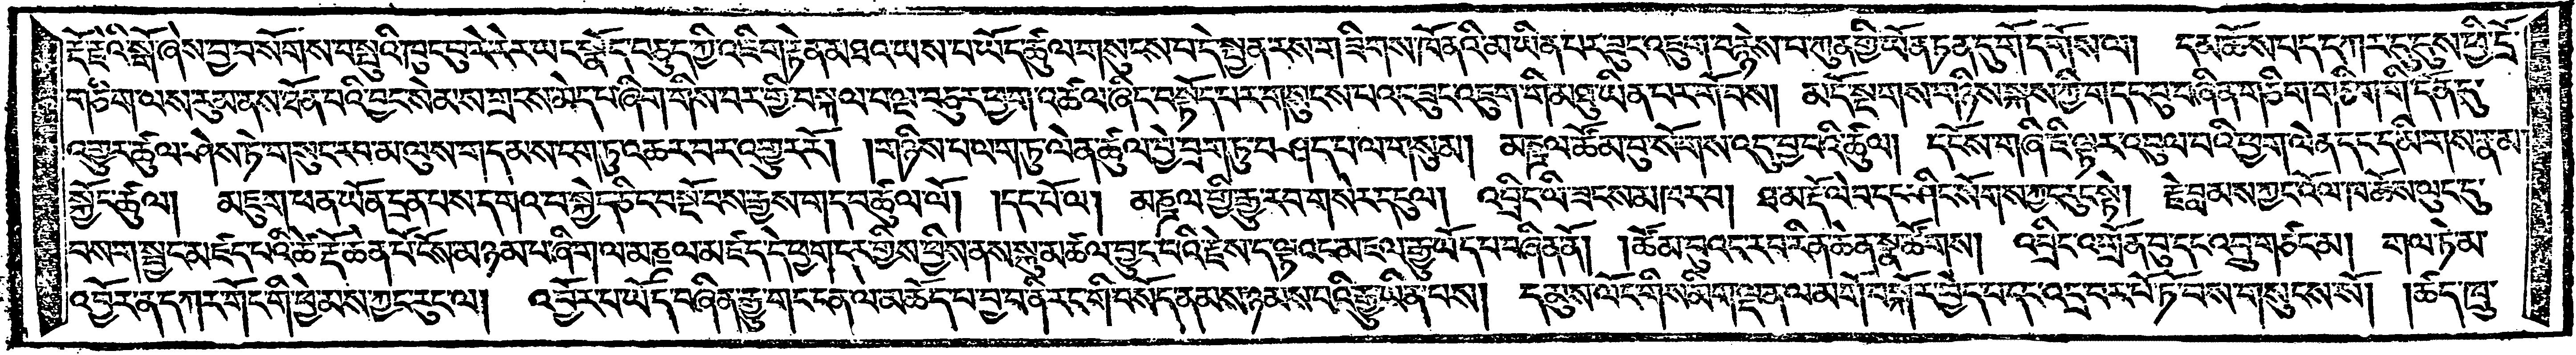རྡོ་རྗེའི་སྒོ་ཞེས་བྱ་བ་སོགས་བ་སྤུའི་ཁུང་བུ་རེ་རེར་ཡང་སྣོད་བཅུད་ཀྱི་འཇིག་རྟེན་མཐའ་ཡས་བ་ཡོད་ཚུལ་གསུངས་བ་དེ་སྤྱན་རས་གཟིགས་ཁོ་ནའི་མ་ཡིན་བར་ཟུང་འཇུག་བརྙེས་བ་ཀུན་གྱི་ཡོན་ཏན་དུ་གོ་དགོས་ལ། དམ་ཆོས་པད་དཀར་དུ་དུས་ཕྱི་དྲོ་
གཅིག་ལས་རུམ་ནས་ཐོན་པའི་བྱང་སེམས་གྲངས་མེད་པ་ཞིག་གིས་བར་གྱི་བསྐལ་པ་ལྔ་བཅུར་ཕྱག་འཚལ་ཞིང་བསྟོད་པར་གསུངས་པའང་ཟུང་འཇུག་གི་མཐུ་ཡིན་པར་གོ་བས། མདོ་སྔགས་གཉིས་སྐས་ཀྱི་གདང་བུ་བཞིན་གཅིག་གཅིག་གི་དོན་དུ་
འགྱུར་ཚུལ་ཤེས་ཏེ་གསུགནས་རབ་མ་ལུས་གདམས་ངག་ཏུ་འཆར་བར་འགྱུར་རོ། །གཉིས་པ་ལག་ཏུ་ལེན་ཚུལ་བྱེ་བྲག་ཏུ་བཤད་པ་ལ་གསུམ། མཎྜལ་ཚོམ་བུ་སོགས་འདུ་བྱ་བའི་ཚུལ། དངོས་གཞི་ཇི་ལྟར་འབུལ་བའི་ཕྱག་ལེན་དང་དམིགས་རྣམ་
སྐྱོང་ཚུལ། མཇུག་ཕན་ཡོན་དྲན་པས་དགའ་བསྐྱེད་ཅིང་བསྔོ་བས་རྒྱས་གདབ་ཚུལ་ལོ། །དང་པོ་ལ། མཎྜལ་གྱི་རྒྱུ་རབ་གསེར་དངུལ། འབྲིང་ལི་ཟངས་མཁར་བ། ཐ་མ་རྡོ་ལེ་བ་དང་ཤིང་སོགས་ཀྱང་རུང་སྟེ། རྗེ་བླ་མས་ཀྱང་པའོ་ལ་ཁ་ཆོས་ལུང་དུ་
བསག་སྦྱང་མཛད་པའི་ཚེ་རྡོ་ཆེན་པོ་ངོས་མཉམ་པ་ཞིག་ལ་མཎྜལ་མཛད་དེ་ཕྱག་དར་གྱིས་ཕྱིས་ནས་སྐུ་མཚལ་བྱུང་བའི་རྗེས་ད་ལྟའང་མཇལ་རྒྱུ་ཡོད་པ་བཞིན་ནོ། །ཚོམ་བུའང་རབ་རིན་ཆེན་སྣ་ཚོགས། འབྲིང་འགྲོན་བུ་དང་འབྲུ་གཙང་མ། གལ་ཏེ་མ་
འབྱོར་ན་དཀར་གོང་གི་ཕྱེ་མས་ཀྱང་རུང་ལ། འབྱོར་པ་ཡོད་བཞིན་རྒྱ་གང་ངན་ལ་མཆོད་པ་བྱ་བ་ནི་རང་གི་གསོད་ནམས་ཉམས་པའི་རྒྱུ་ཡིན་པས། དམུགས་ལོང་གིས་མིག་ལྡན་ལ་མགོ་བསྐོར་བྱེད་བ་དང་འདྲ་བར་བོ་ཏོ་བས་གསུངས་སོ། །ཚད་ཁྲུ་